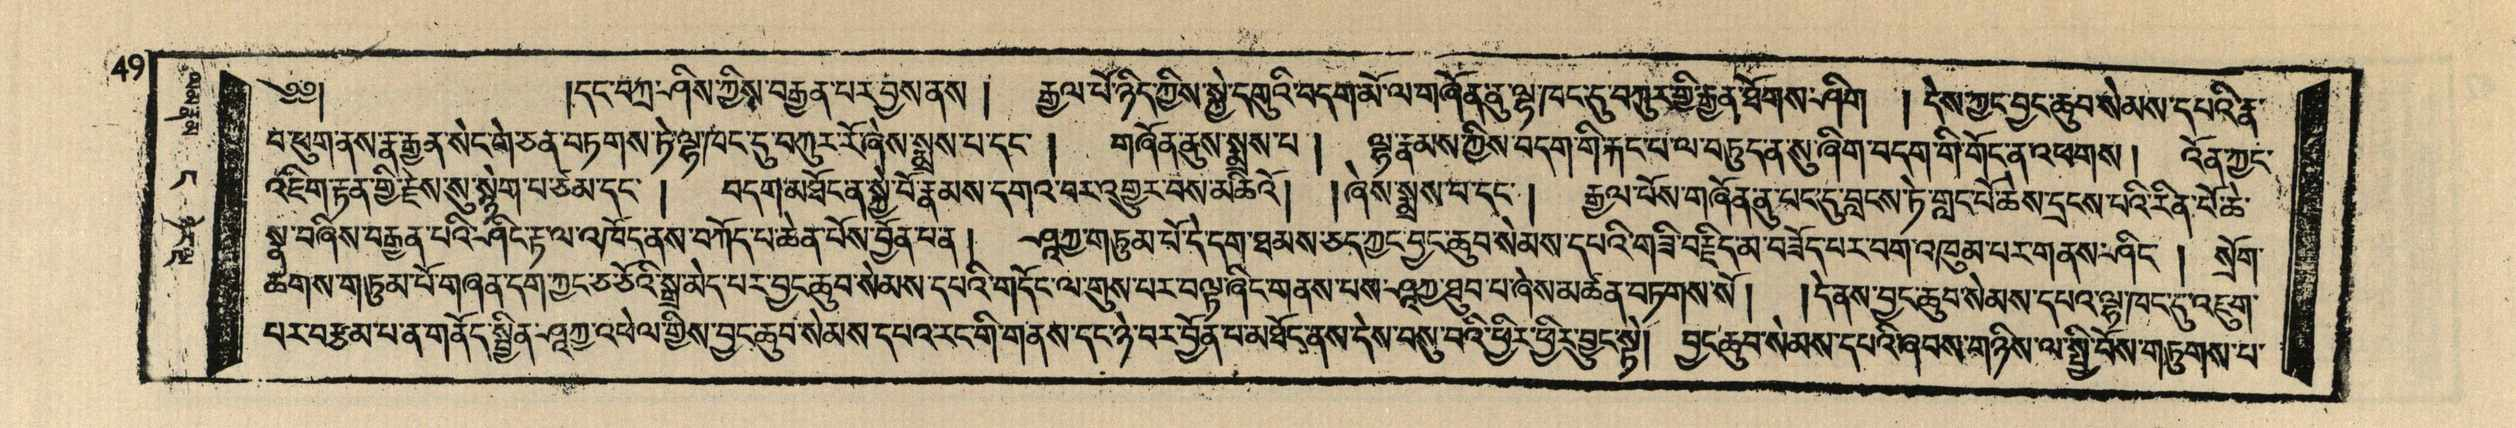༄༅། །དང་བཀྲ་ཤིས་ཀྱིས་བརྒྱན་པར་བྱས་ནས། རྒྱལ་པོ་ཉིད་ཀྱིས་སྐྱེ་དགུའི་བདག་མོ་ལ་གཞོན་ནུ་ལྷ་ཁང་དུ་བཀུར་གྱི་རྒྱན་ཐོགས་ཤིག །དེས་ཀྱང་བྱང་ཆུབ་སེམས་དཔའི་རྣ་
བ་ཕུག་ནས་རྣ་རྒྱན་སེང་གེ་ཅན་བཏགས་ཏེ་ལྷ་ཁང་དུ་བཀུར་རོ་ཞེས་སྨྲས་པ་དང་། གཞོན་ནུས་སྨྲས་པ། ལྷ་རྣམས་ཀྱིས་བདག་གི་རྐང་པ་ལ་བཏུད་ན་སུ་ཞིག་བདག་གི་གོང་ན་འཕགས། འོན་ཀྱང་
འཇིག་རྟན་གྱི་རྗེས་སུ་སྙེག་པ་ཙམ་དང་། བདག་མཐོང་ན་སྐྱེ་བོ་རྣམས་དགའ་བར་འགྱུར་བས་མཆིའོ། །ཞེས་སྨྲས་པ་དང་། རྒྱལ་པོས་གཞོན་ནུ་པང་དུ་བླངས་ཏེ་གླང་པོ་ཆེས་དྲངས་པའི་རིན་པོ་ཆེ་
སྣ་བཞིས་བརྒྱན་པའི་ཤིང་རྟ་ལ་འཁོད་ནས་བཀོད་པ་ཆེན་པོས་བྱོན་པ་ན། ཤཱཀྱ་གཏུམ་པོ་དེ་དག་ཐམས་ཅད་ཀྱང་བྱང་ཆུབ་སེམས་དཔའི་གཟི་བརྗིད་མ་བཟོད་པར་བག་འཁུམ་པར་གནས་ཤིང་། སྲོག་
ཆགས་གཏུམ་པོ་གཞན་དག་ཀྱང་ཅ་ཅོའི་སྒྲ་མེད་པར་བྱང་ཆུབ་སེམས་དཔའི་གདོང་ལ་གུས་པར་བལྟ་ཞིང་གནས་པས་ཤཱཀྱ་ཐུབ་པ་ཞེས་མཚན་བཏགས་སོ། །དེ་ནས་བྱང་ཆུབ་སེམས་དཔའ་ལྷ་ཁང་དུ་འཇུག་
པར་བརྩམ་པ་ན་གནོད་སྦྱིན་ཤཱཀྱ་འཕེལ་གྱིས་བྱང་ཆུབ་སེམས་དཔའ་རང་གི་གནས་དང་ཉེ་བར་བྱོན་པ་མཐོང་ནས་དེས་བསུ་བའི་ཕྱིར་ཕྱིར་བྱུང་སྟེ། བྱང་ཆུབ་སེམས་དཔའི་ཞབས་གཉིས་ལ་སྤྱི་བོས་གཏུགས་པ་